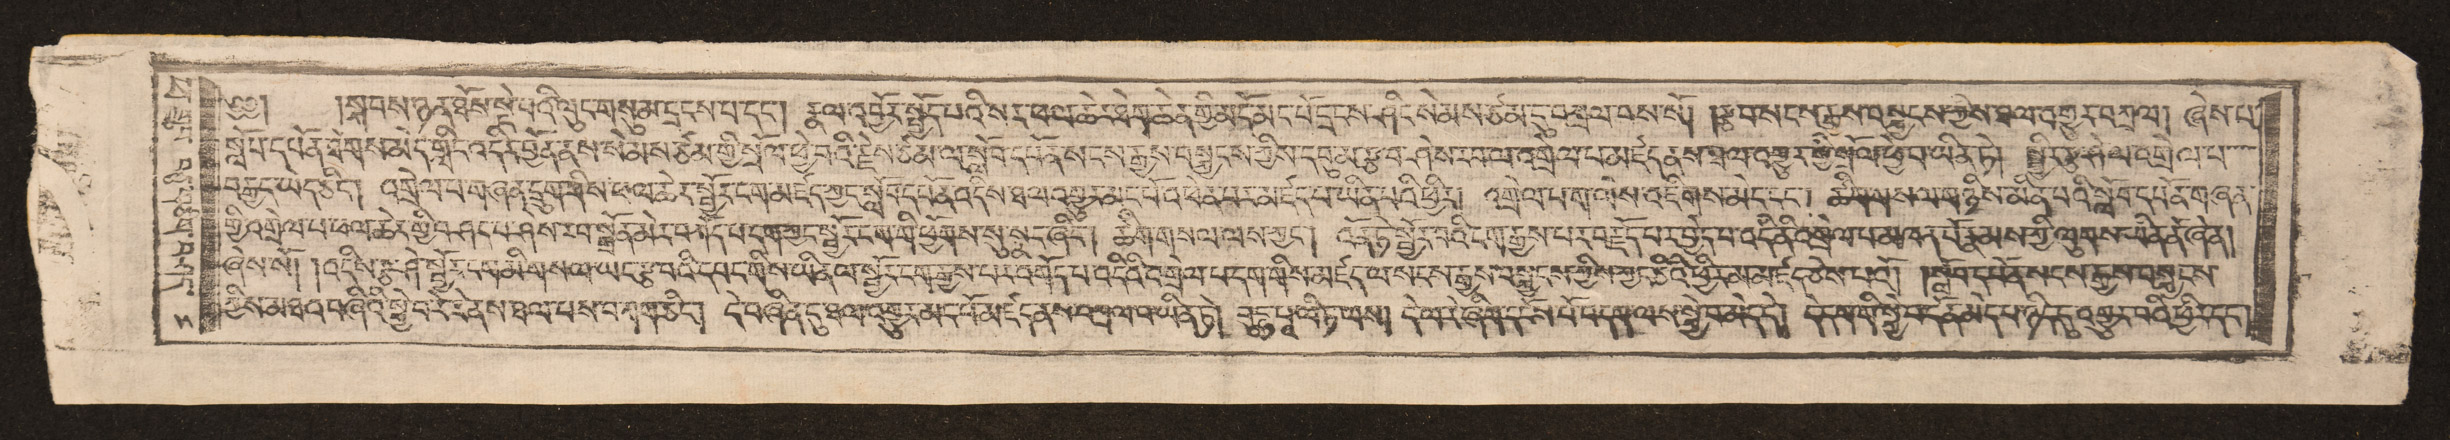༄༅། །སྐབས་ཉན་ཐོས་སྡེ་བའི་ལུང་གསུམ་དྲངས་པ་དང་། རྣལ་འབྱོར་སྤྱོད་པའི་སར་ཕལ་ཆེར་ཐེག་ཆེན་གྱི་མདོ་མང་པོ་དྲངས་ཤིང་སེམས་ཙམ་དུ་བཀྲལ་བས་སོ། །རྩ་བ་སངས་རྒྱས་བསྐྱངས་ཀྱེས་ཐལ་འགྱུར་བཀྲལ། ཞེས་པ་
སློབ་དཔོན་ཐོགས་མེད་གླིང་འདིར་བྱོན་ནས་སེམས་ཙམ་གྱི་སྲོལ་ཕྱེ་བའི་རྗེས་ཙམ་ལ་སློབ་དཔོན་སངས་རྒྱས་བསྐྱངས་ཀྱིས་དབུ་མ་རྩ་བཤེས་རབ་ལ་འགྲེལ་པ་མཛད་ནས་ཐལ་འགྱུར་གྱི་སྲོལ་ཕྱེ་བ་ཡིན་ཏེ། སྤྱིར་རྩ་ཤེལ་འགྲེལ་པ་
བརྒྱད་ཡོད་ཅིང་། འགྲེལ་པ་གཞན་དྲུག་གིས་ཕལ་ཆེར་སྦྱོར་ངག་མཛད་ཀྱང་སློབ་དཔོན་འདིས་ཐལ་འགྱུར་མང་པོ་འཕེན་པར་མཛད་པ་ཡིན་པའི་ཕྱིར། འགྲེལ་པ་ག་ལེས་འཇིགས་མེད་དང་། ཚིག་གསལ་གཉིས་མིན་པའི་སློབ་དཔོན་གཞན་
གྱི་འགྲེལ་བ་ཕལ་ཆེར་གྱི་བཤད་པ་ཤེས་རབ་སྒྲོན་མེར་བཀད་བདག་ཀྱང་སྦྱོར་དག་གི་ཕྱོགས་སུ་སྣང་ཞིང་། ཚིག་གསལ་ལས་ཀྱང་། འོན་ཏེ་སྦྱོར་བའི་ངག་རྒྱས་པར་བརྗོད་པར་བྱད་པ་འདི་ནི་འགྲེལ་པ་མཁན་པོ་རྣམས་ཀྱི་ལུགས་ཡིན་ནོ་ཞེན།
ཞེས་སོ། །འདིས་རྩ་ཤེ་སྦྱོར་དག་མི་གསལ་ཡང་རྩ་བའི་དབང་གིས་ཡིན་ལ་སྦྱོར་ངག་རྒྱས་པར་འགོད་པ་འདིའི་འགྲེལ་པ་དག་གིས་མཛད་ལ་སངས་རྒྱས་བསྐྱངས་ཀྱིས་ཀྱང་ཅིའི་ཕྱིར་མ་མཛད་ཅེས་པའོ་།སློབ་དཔོན་སངས་རྒྱས་བསྐྱངས་
ཀྱིས་མཐའ་བཞིའི་སྐྱེ་བ་རེ་རེ་ནས་ཐལ་པས་བཀག་ཅིང་། དེ་བཞིན་དུ་ཐལ་འགྱུར་མང་པོ་མཛད་ནས་བཀྲལ་བ་ཡིན་ཏེ། བུདྟ་བཱ་ལི་ཏ་ལས། དེ་ལ་རེ་ཞིག་དངོས་པོ་བདག་ལས་སྐྱེབ་མེད་དེ། དེ་དག་གི་སྐྱེ་བདོན་མེད་པ་ཉིད་དུ་འགྱུར་བའི་ཕྱིར་དང།།